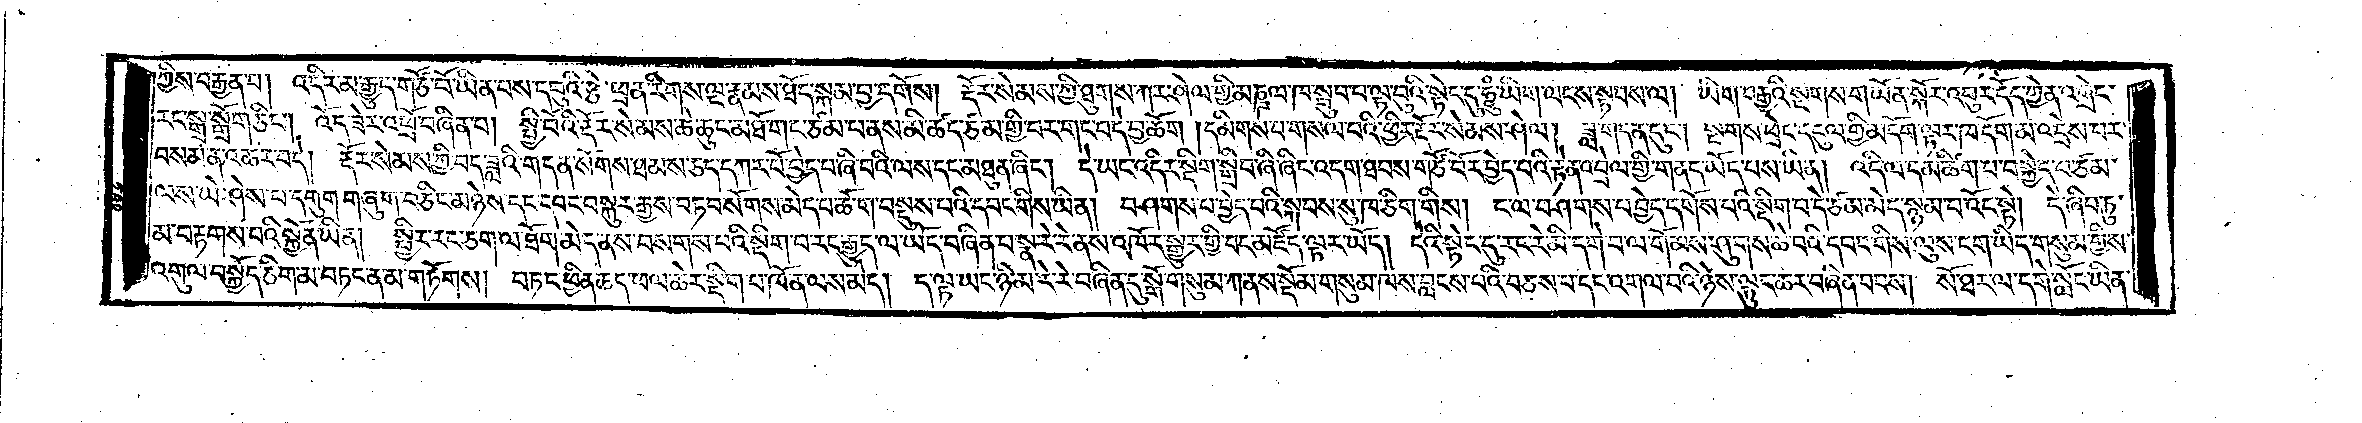ཀྱིས་བརྒྱན་པ། འདིར་མ་རྒྱུད་གཙོ་བོ་ཡིན་པས་དཔུའི་རྩེ་ཕྲན་རིགས་ལྔ་རྣམས་ཐོད་སྐམ་བྱ་དགོས། རྡོར་སེམས་ཀྱི་ཐུགས་ཀར་ཤེལ་གྱི་མཎྜལ་ཁ་སྦུབ་བ་ལྟ་བུའི་སྟེང་དུ་ཧཱུཾ་ཡིག་ལངས་སྟབས་ལ། ཡིག་བརྒྱའི་སྔགས་གཡོན་སྐོར་འབུར་དོད་གྱེན་འགྲེང་
རང་སྒྲ་སྒྲོག་ཅིང་། འོད་ཟེར་འཕྲོ་བཞིན་པ། སྤྱི་བོའི་རྡོར་སེམས་ཆེ་ཆུང་མཐོ་གང་ཙམ་བྣས་མི་ཚད་ཙམ་གྱི་བར་གང་བདེ་བྱ་ཆོག །དམིགས་པ་གསལ་བའི་ཕྱིར་རྡོར་སེམས་ཤེལ། ཟླ་གདན་དུང་། སྔགས་ཕྲེང་དངུལ་གྱི་མདོག་ལྟར་ཁ་དོག་མ་འདྲེས་པར་
བསམ་ན་འཆར་བ་དེ། རྡོར་སེམས་ཀྱི་པད་ཟླའི་གདན་སོགས་ཐམས་ཅད་དཀར་པོ་བྱེད་བ་ཞི་བའི་ལས་དང་མཐུན་ཞིང་། དེ་ཡང་འདིར་སྡིག་སྒྲིབ་ཞི་ཞིང་འདག་ཐབས་གཙོ་བོར་བྱེད་པའི་རྟེན་འབྲེལ་གྱི་གནད་ཡོད་པས་ཡིན། འདི་ལ་དམ་ཚིགས་བསྐྱེད་པ་ཙམ་
ལས་ཡེ་ཤེས་པ་དགུག་གཞུག་བཅིང་མཉེས་དང་དབང་བསྐུར་རྒྱས་བཏབ་སོགས་མེད་པ་ཆོ་ག་བསྡུས་པའི་དབང་གིས་ཡིན། བཤགས་པ་བྱེད་པའི་སྐབས་སུ་ཁ་ཅིག་གིས། ང་ལ་བཤགས་པ་བྱེད་དགོས་བའི་སྡིག་པ་དེ་ཙམ་མེད་སྙམ་བ་འོང་སྟེ། དེ་ཞིབ་ཏུ་
མ་བརྟོགས་པའི་སྐྱོན་ཡིན། སྤྱིར་རང་ཅག་ལ་ཐོག་མེད་ནས་བསགས་པའི་སྡིག་བ་རང་རྒྱུད་ལ་ཡོད་བཞིན་པ་སྣ་རེ་རེ་ནས་འཁོར་སྒྱུར་གྱི་བང་མཛོད་ལྟར་ཡོད། དེའི་སྟེང་དུ་རང་རེ་མི་དགེ་བ་ལ་གོམས་ཤུགས་ཆེ་བའི་དབང་གིས་ལུས་ངག་ཡིད་གསུམ་གྱིས་
འགུལ་བསྐྱོད་ཅིག་མ་བཏང་ན་མ་གཏོགས། བཏང་ཕྱིན་ཆད་ཕལ་ཆེར་སྡིག་པ་ཁོ་ན་ལས་མེད། ད་ལྟ་ཡང་ཉི་མ་རེ་རེ་བཞིན་དུ་སྒོ་གསུམ་གནས་སྡོམ་གསུམ་ཁས་བླངས་པའི་བཅས་པ་དང་འགལ་བའི་ཉེས་ལྟུང་ཆར་བཞིན་བབས། སོ་ཐར་ལ་དགེ་སློང་ཡིན་